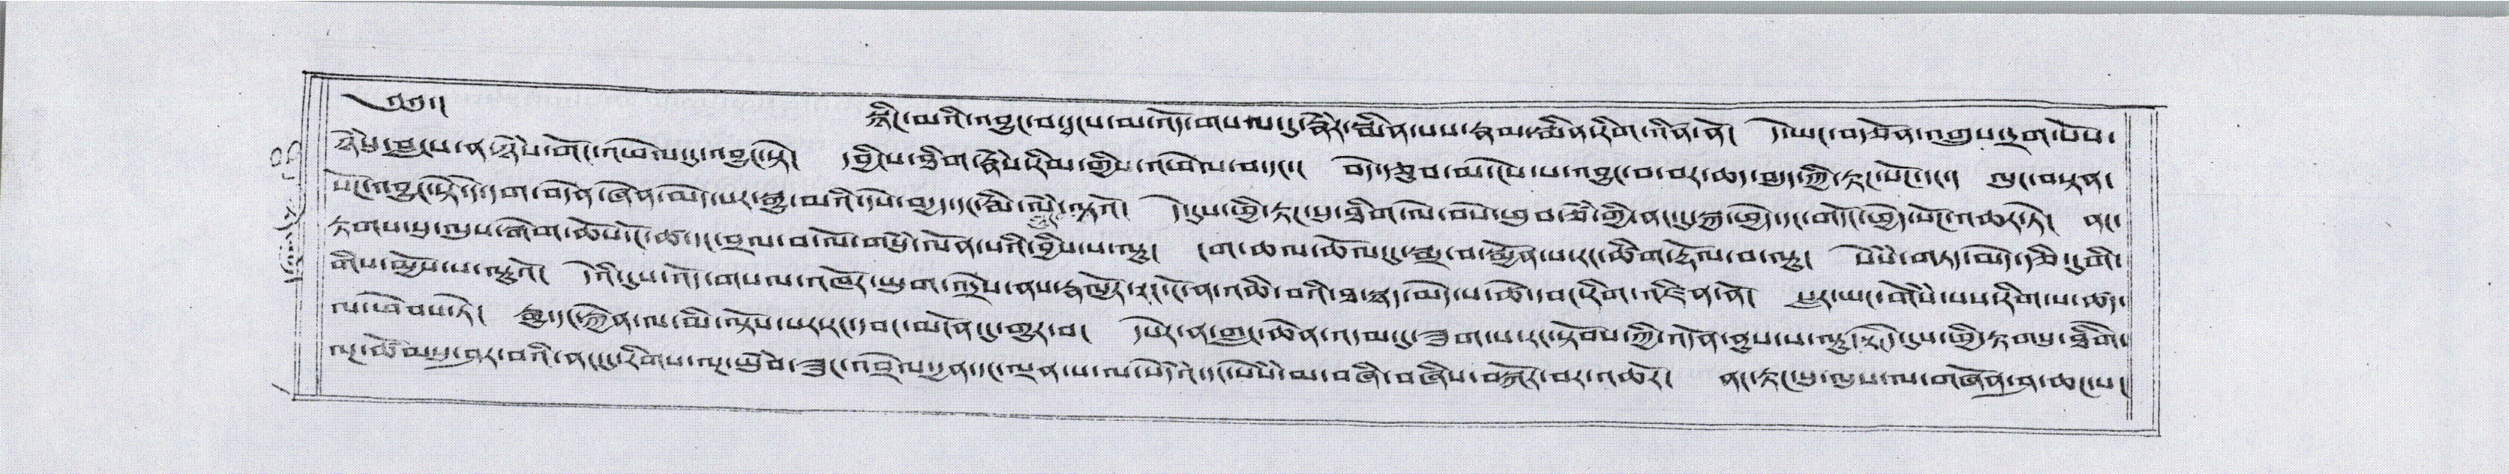སྙིགས་མའི་འབྱུང་བ་དྭངས་མ་འོད་གསལ་དུ་རྣམ་པར་སྨིན་པས་རྣམ་སྨིན་རིག་འཛིན་ནོ། དེ་ཡང་བརྩོན་འགྲུས་དྲག་པོས་
ཉམས་སུ་བླང་ན་ཉམས་གོང་འཕེལ་དུ་འབྱུང་སྟེ། དབྱིངས་ཐིག་རྣམས་རིམ་བཞིན་འཕེལ་བ་དང་། བདེ་རྩུབ་མ་ངེས་པ་འབྱུང་བ་བར་ཆད་བདུད་ཀྱི་རྟགས་སོགས་དང་། ལུང་བསྟན་
སོགས་འབྱུང་སྟེ་དེ་དག་བདེན་ཞེན་མེད་པར་སྒྱུ་མའི་དཔེ་བརྒྱད་དང་རྨི་ལམ་ལྟ་བུའོ། དེ་དུས་ཀྱི་རྟགས་སུ་ཐིག་ལེ་བསེ་ཕུབ་ཙམ་གྱི་ནང་དུ་སྐུ་ཕྱེད་དང་གདོང་ཕྱེད་སོགས་འཆར་ཏེ། ནང་
རྟགས་སུ་ལུས་སྒེག་ཆོས་ངོ་ཚ་དང་བྲལ་བ་ལོ་གསུམ་ལོན་པའི་བྱིས་པ་ལྟ་བུ། ངག་ཆལ་ཆོལ་དུ་སྨྲ་བ་སྨྱོན་པ་རང་ཚིག་རྡོལ་བ་ལྟ་བུ། སེམས་གཏད་སོ་རྩི་དུག་
གིས་མྱོས་པ་ལྟ་བུའོ། དེའི་དུས་འོད་གསལ་འཁོར་ཡུག་འདྲེས་ནས་རྣལ་འབྱོར་རང་ངོ་ན་འཆི་བའི་ཐ་སྙད་མེད་པ་ཚེ་དབང་རིག་འཛིན་ནོ། སླར་ཡང་གོམས་པས་རིག་པ་ཚད་
ལ་ཕེབས་ཏེ། རྒྱུ་དང་རྐྱེན་ལ་མི་ལྟོས་པར་རང་དབང་མངོན་དུ་གྱུར་པ། དཔེར་ན་གླང་ཆེན་འདམ་དུ་ཟགས་པ་རང་སྟོབས་ཀྱིས་འདོན་ནུས་པ་ལྟ་བུ་སྟེ། དེ་དུས་ཕྱི་རྟགས་སུ་ཐིག་ལེ་
ལྔ་ཚོམ་ཤར་བའི་ནང་དུ་རིགས་ལྔ་ཡབ་ཡུམ་ཟུང་འབྲེལ་རྒྱན་དང་ལྡན་པ་ལ་སེམས་དཔའ་དང་སེམས་མ་བཞི་བཞིས་བསྐོར་བ་འཆར་རོ། ནང་རྟགས་སུ་ལུས་ལ་གཞོན་ཤ་ཆགས་པ།